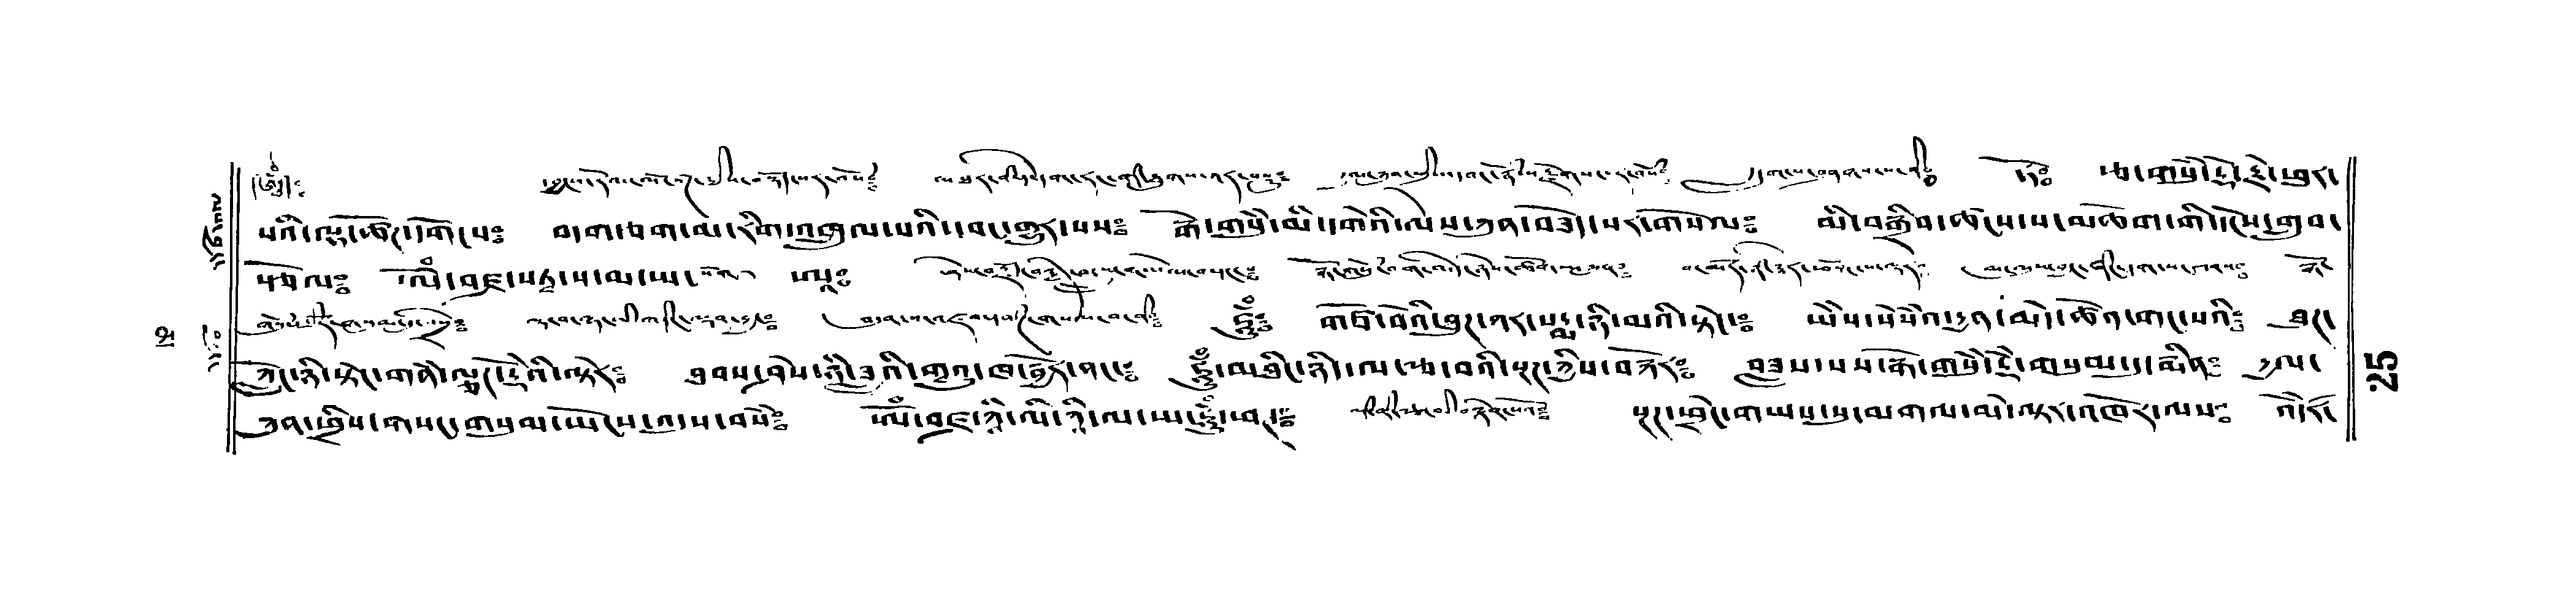དབྱངས་རོལ་ལོ་སོགས་ཀྱི་བསྟོད་པར་བསམ༔ མཐར་ནི་དེ་དག་རང་གི་ཐུགས་ཀར་བསྡུ༔ རྒྱལ་ཀུན་ཕྲིན་ལས་དབང་རྣམས་རྫོགས་བར་བསམ༔ དྲུག་པ་བཤགས་པནི༔ ཧོཿ རྩ་གསུམ་རྡོ་རྗེ་ཕུར་
པའི་ལྷ་ཚོགས་དགོངས༔ བདག་ཅག་མ་རིག་འཁྲུལ་པའི་དབང་གྱུར་པས༔ སྒོ་གསུམ་མི་དགེའི་ལས་ཀུན་བཟོད་པར་གསོལ༔ མི་བསྒྲིབ་ཚངས་པ་མཆོག་གི་དངོས་གྲུབ་
སྩོལ༔ ཨོཾ་བཛྲ་སཏྭ་ས་མ་ཡ་སོགས། ཨཱཿ ཞེས་བརྗོད་བསྐྱེད་བཟླས་གཡེལ་ནས་དང༔ སྒོ་གསུམ་བག་མེད་ཉེས་ཚོགས་ཀུནཿ བ་མོར་ཉི་ཟེར་ཕོག་པ་ལྟར༔ མ་ལུས་བྱང་ཞིང་དག་སངས་ནས༔ སྒོ་
གསུམ་དཀྱིལ་འཁོར་གསུམ་དུ་བསྲེ༔ ལྟ་བ་ལྷ་ཡི་གདིང་ལྡན་བྱ༔ བདུན་པ་འཛབ་དམིགས་གསལ་བ་ནི༔ ཧཱུྃ༔ གཙོ་བོའི་ཐུགས་ཀར་པདྨ་ཉི་མའི་སྟེང༔ ཡེ་ཤེས་སེམས་དཔའ་རྒྱན་མེད་ཚོན་གང་པའི༔ ཐུགས་
ཀློང་ཉི་སྟེང་གནམ་ལྕགས་རྡོ་རྗེའི་ལྟེར༔ ཐབས་ཤེས་ཉི་ཟླའི་གྭའུ་ཁ་སྦྱོར་ནང༔ ཧཱུྃ་མཐིང་ཉིད་ལ་རྩ་བའི་སྔགས་ཀྱིས་བསྐོར༔ བཟླས་པས་སྒོ་གསུམ་རྡོ་རྗེ་གསུམ་དུ་སྨིན༔ རྒྱལ་
ཀུན་ཕྲིན་ལས་གསང་གསུམ་ཡོངས་འདུས་བསམ༔ ཨོཾ་བཛྲ་ཀཱི་ལི་ཀཱི་ལ་ཡ་ཧཱུྃ་ཕཊ༔ འདི་ནི་རྩ་བའི་བསྙེན་པའོ༔ སྔགས་ཕྲེང་གཡས་སུ་མགལ་མེ་ལྟར་འཁོར་ལས༔འོད་ཟེར་